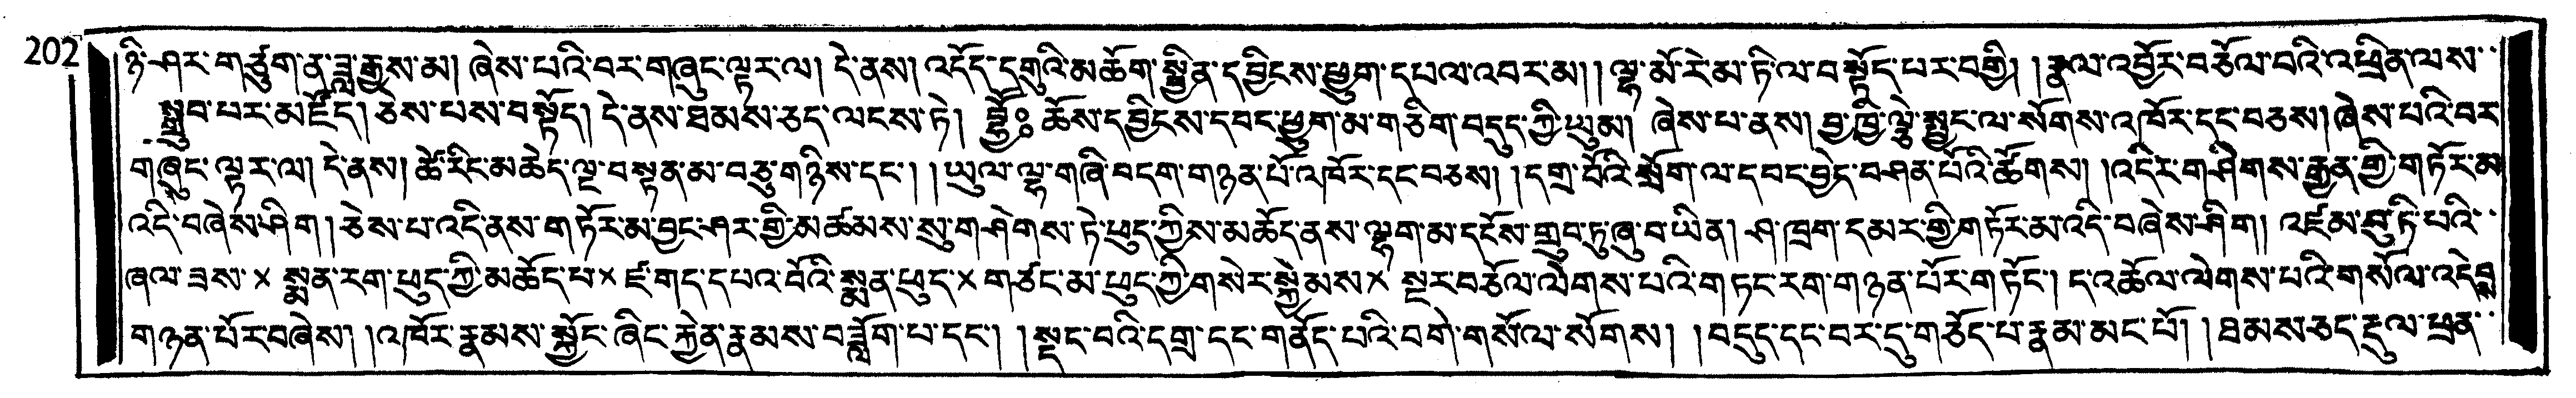ཉི་ཤར་གཙུག་ན་ཟླ་རྒྱས་མ། ཞེས་པའི་བར་གཞུང་ལྟར་ལ། དེ་ནས། འདོད་དགུའི་མཆོག་སྦྱིན་དབྱིངས་ཕྱུག་དཔལ་འབར་མ། །ལྷ་མོ་རེ་མ་ཏི་ལ་བསྟོད་པར་བགྱི། །རྣལ་འབྱོར་བཅོལ་བའི་འཕྲིན་ལས་
སྒྲུབ་པར་མཛོད། ཅེས་པས་བསྟོད། དེ་ནས་ཐམས་ཅད་ལངས་ཏེ། བྷྱཽཿ ཆོས་དབྱིངས་དབང་ཕྱུག་མ་གཅིག་བདུད་ཀྱི་ཡུམ། ཞེས་པ་ནས། བྱ་ཁྱི་ལྕེ་སྤྱང་ལ་སོགས་འཁོར་དང་བཅས། ཞེས་པའི་བར་
གཞུང་ལྟར་ལ། དེ་ནས། ཚེ་རིང་མཆེད་ལྔ་བསྟན་མ་བཅུ་གཉིས་དང་། །ཡུལ་ལྷ་གཞི་བདག་གཉན་པོ་འཁོར་དང་བཅས། །དགྲ་བོའི་སྲོག་ལ་དབང་བྱེད་བཤན་པོའི་ཚོགས། །འདིར་གཤིགས་རྒྱན་གྱི་གཏོར་མ་
འདི་བཞེས་ཤིག །ཅེས་པ་འདི་ནས་གཏོར་མ་བྱང་ཤར་གྱི་མཚམས་སུ་གཤེགས་ཏེ་ཕུད་ཀྱིས་མཆོད་ནས་ལྷག་མ་དངོས་གྲུབ་ཏུ་ཞུ་བ་ཡིན། ཤ་ཁྲག་དམར་གྱི་གཏོར་མ་འདི་བཞེས་ཤིག །འཛམ་བུ་ཏི་པའི་
ཞལ་ཟས་྾་སྨན་རག་ཕུད་ཀྱི་མཆོད་པ་྾་ཛ་གད་དཔའ་བོའི་སྨན་ཕུད་྾་གཙང་མ་ཕུད་ཀྱི་གསེར་སྐྱེམས་྾་སྔར་བཅོལ་ལེགས་པའི་གཏང་རག་གཉན་པོར་གཏོང་། ད་འཆོལ་ལེགས་པའི་གསོལ་འདེབས་
གཉན་པོར་བཞེས། །འཁོར་རྣམས་སྐྱོང་ཞིང་རྐྱེན་རྣམས་བཟློག་པ་དང་། །སྡང་བའི་དགྲ་དང་གནོད་པའི་བགེ་གསོལ་སོགས། །བདུད་དང་བར་དུ་གཅོད་པ་རྣམ་མང་པོ། །ཐམས་ཅད་རྡུལ་ཕྲན་